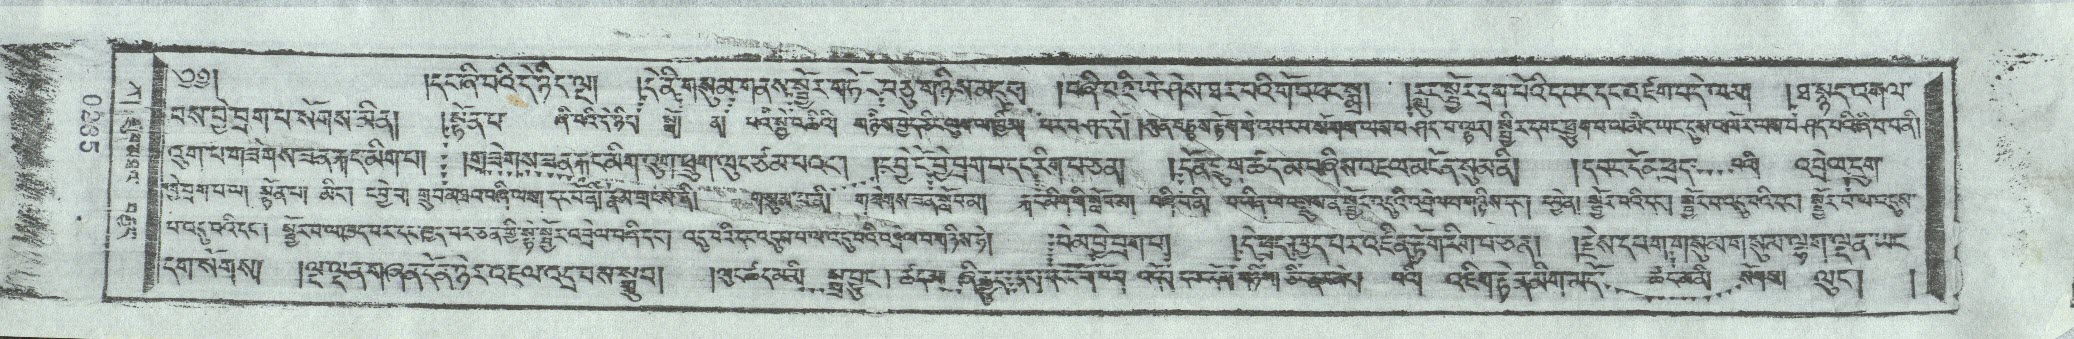༄༅། །དང་ཞི་བའི་དེ་ཉིད་ལྔ། །དེ་ནི་གསུམ་གནས་སྦྱོར་གཏོང་བཅུ་གཉིས་མདུད། །བཞི་བའི་ཡེ་ཤེས་ཐར་པའི་གོ་འཕང་སྨྲ། །རླུང་སྤྱོད་དྲག་པོའི་དབང་དང་འཛག་བདེ་ལམ། །ཐ་སྙད་འགལ་
བས་བྱེ་བྲག་པ་སོགས་མིན། །སྟོན་པ། ཞི་བའི་དེ་ཉིད་སྒོ། །ན་པའི་སྐྱེ་འཚིའི། མ་ཉིས་བྱེད་ཅིང་ལུས་ལ་ཁྱིམ། བར་བཤད་དོ། ཀུན་གཏུམ་རྟོག་གེ་འབར་བ་སོགས་ལས་བཤད་པ་ལྷ་བ་སྦྱོར་དབང་ཕྱུག་པ་མིང་ཡང་དུས་འཁོར་ལས་བཤད་པའི་ཞིབ་བ་རི་
འུག་པ་གཟེགས་ཟན་རྐང་མིག་པ། །གཟིགས་ཟན་རྐང་མིག་འུག་ཕྲུག་ལུང་ཙམ་པའང་། །དབྱེ་རོ་བྱེ་བྲག་པ་དང་རིག་པ་ཅན། །དོན་དྲུག་མཚད་མ་བཞིས་འཇལ་མངོན་སུམ་ནི། །དབང་དོན་ཕྲད། པའི་འབྲེལ་དྲུག་
བྱེ་བྲག་པ་ལ། སྟེན་པ། མིང་། དབྱེ་བ་གྲུབ་མཐབ་བཞི་ལགས་དང་པོ་ནི། རྣམ་གྲངས་ནི། གསུམ་པ་ནི། གཟིགས་ཟན་སློབ་མ། རྐང་མིག་གི་སློབ་པ་བཞི་པ་ནི། པ་བཞི་ལ་འགྲུབ་མ་སྦྱོང་འདུའི་བྲེ་ཁ་གཉིས་དང་། དབྱེར། སྦྱོར་བའི་དང་། སྦྱོང་བ་འདུ་བའི་དང་། སྦྱོར་པ་པ་
བ་འདུ་བའི་དང་། སྦྱོང་བ་ལ་ཁྱད་པར་དང་ཁྱད་པར་ཅན་གྱི་སྟེ་སྦྱོར་འབྲེལ་བཞི་དང་། འདུ་བའི་དང་འདུས་པ་ལ་འདུ་བའི་འབྲེལ་གཉིས་ཏེ། །བེམ་བྱེ་བྲག་པ། །དེ་ཕྲད་ཁྱད་པར་འཛིན་རྟོག་རིག་པ་ཅན། །རྗེས་དཔག་གསུམ་གསུམ་ལྷག་ལྡན་ཡང་
དག་སོགས། །ལྔ་ལྡན་གཞན་དོན་ཉེར་འཇལ་འདྲ་བས་སྒྲབ། །ལུང་ཚད་མ་ནི། སྒྲ་བྱུང་། ཚད་མ་ཞི་རྒྱུད་དང་། རོག་པར། འདོད་དབང་དོན། གཉིས་ཅིང་ན་སེར། བའི། འཇིག་རྟེན་མིག་མདོ་ཚང་མ་ནི། ལུང་།